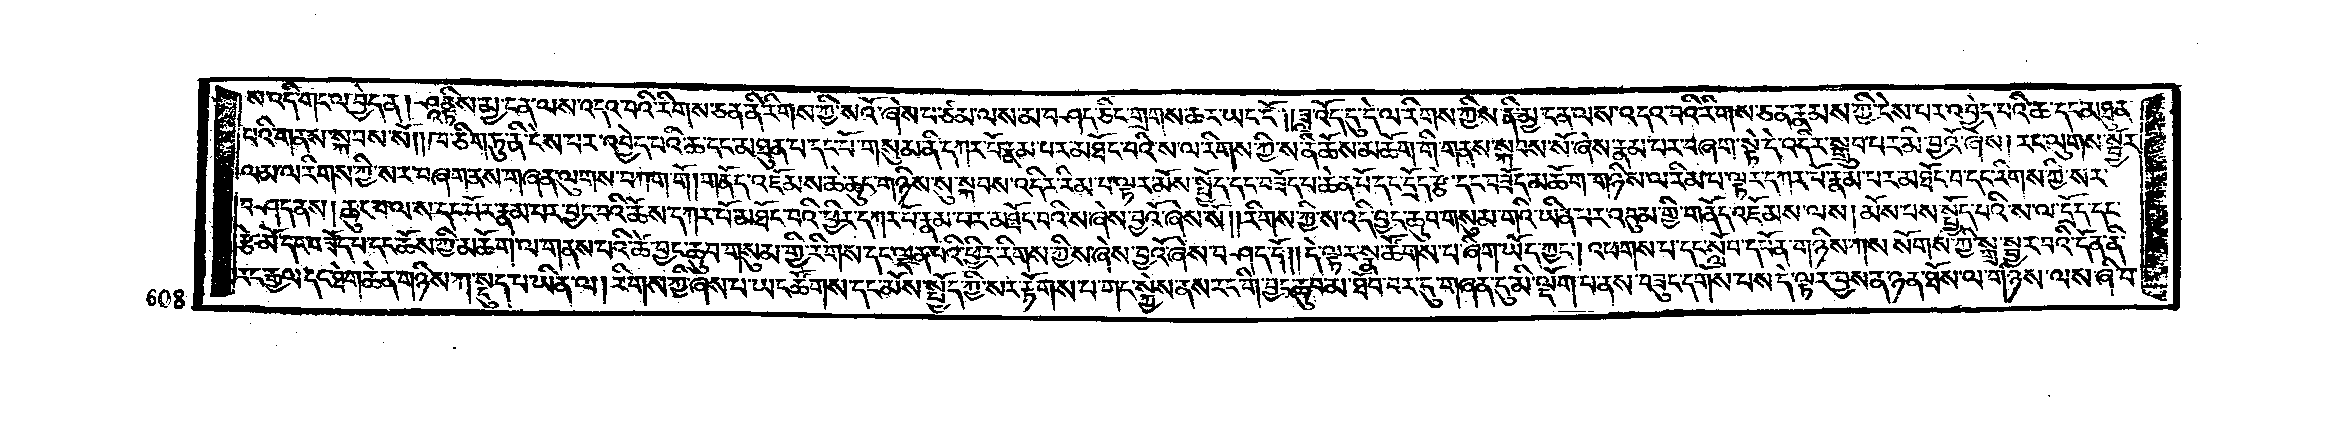ས་འདི་གང་ལ་བྱེད་ན། ཤཱནྟིས་མྱ་ངན་ལས་འདའ་བའི་རིགས་ཅན་ནི་རིགས་ཀྱི་སའོ་ཞེས་པ་ཙམ་ལས་མ་བཤད་ཅིང་གྲངས་ཆར་ཡང་ངོ། །ཟླ་འོད་དུ་དེ་ལ་རིགས་ཀྱིས་ནི་མྱ་ངན་ལས་འདའ་བའི་རིགས་ཅན་རྣམས་ཀྱི་ངེས་པར་འབྱེད་པའི་ཆ་དང་མཐུན་
པའི་གནས་སྐབས་སོ། །ཁ་ཅིག་ཏུ་ནི་ངེས་པར་འབྱེད་པའི་ཆ་དང་མཐུན་པ་དང་པོ་གསུམ་ནི་དཀར་པོ་རྣམ་པར་མཐོང་བའི་ས་ལ་རིགས་ཀྱི་ས་ནི་ཆོས་མཆོག་གི་གནས་སྐབས་སོ་ཞེས་རྣམ་པར་བཞག་སྟེ་དེ་འདིར་སྒྲུབ་པར་མི་བྱའོ་ཞེས། རང་ལུགས་སྦྱོར་
ལམ་ལ་རིགས་ཀྱི་སར་བཞག་ནས་གཞན་ལུགས་བཀག་གོ །གནོད་འཇོམས་ཆེ་ཆུང་གཉིས་སུ་སྐབས་འདིར་རིམ་པ་ལྟར་མོས་སྤྱོད་དང་བཟོད་པ་ཆེན་པོ་དང་དྲོད་རྩེ་དང་བཟོད་མཆོག་གཉིས་ལ་རིམ་པ་ལྟར་དཀར་པོ་རྣམ་པར་མཐོང་བ་དང་རིགས་ཀྱི་སར་
བཤད་ནས། ཆུང་བ་ལས་དང་པོར་རྣམ་པར་བྱང་བའི་ཆོས་དཀར་པོ་མཐོང་བའི་ཕྱིར་དཀར་པོ་རྣམ་པར་མཐོང་བའི་ས་ཞེས་བྱའོ་ཞེས་སོ། །རིགས་ཀྱི་ས་འདི་བྱང་ཆུབ་གསུམ་གའི་ཡིན་པར་འབུམ་གྱི་གནོད་འཇོམས་ལས། མོས་པས་སྤྱོད་པའི་ས་ལ་དྲོད་དང་
རྩེ་མོ་དང་བཟོད་པ་དང་ཆོས་ཀྱི་མཆོག་ལ་གནས་པའི་ཚེ་བྱང་ཆུབ་གསུམ་གྱི་རིགས་དང་ལྡན་པའི་ཕྱིར་རིགས་ཀྱིས་ཞེས་བྱའོ་ཞེས་བཤད་དོ། །དེ་ལྟར་སྣ་ཚོགས་པ་ཞིག་ཡོད་ཀྱང་། འཕགས་པ་དང་སློབ་དཔོན་གཉིས་ཀས་སོགས་ཀྱི་སྒྲ་སྦྱར་བའི་དོན་ནི་
རང་རྒྱལ་དང་ཐེག་ཆེན་གཉིས་ཀ་སྡུད་པ་ཡིན་ལ། རིགས་ཀྱི་ཞེས་པ་ཡང་ཚོགས་དང་མོས་སྤྱོད་ཀྱི་སར་རྟོགས་པ་གང་སྐྱེས་ནས་རང་གི་བྱང་ཆུབ་མ་ཐོབ་བར་དུ་གཞན་དུ་མི་ལྡོག་པ་ནས་བཟུང་དགོས་པས་དེ་ལྟར་བྱས་ན་ཉན་ཐོས་ལ་གཉིས་ལས་ཞི་བ་